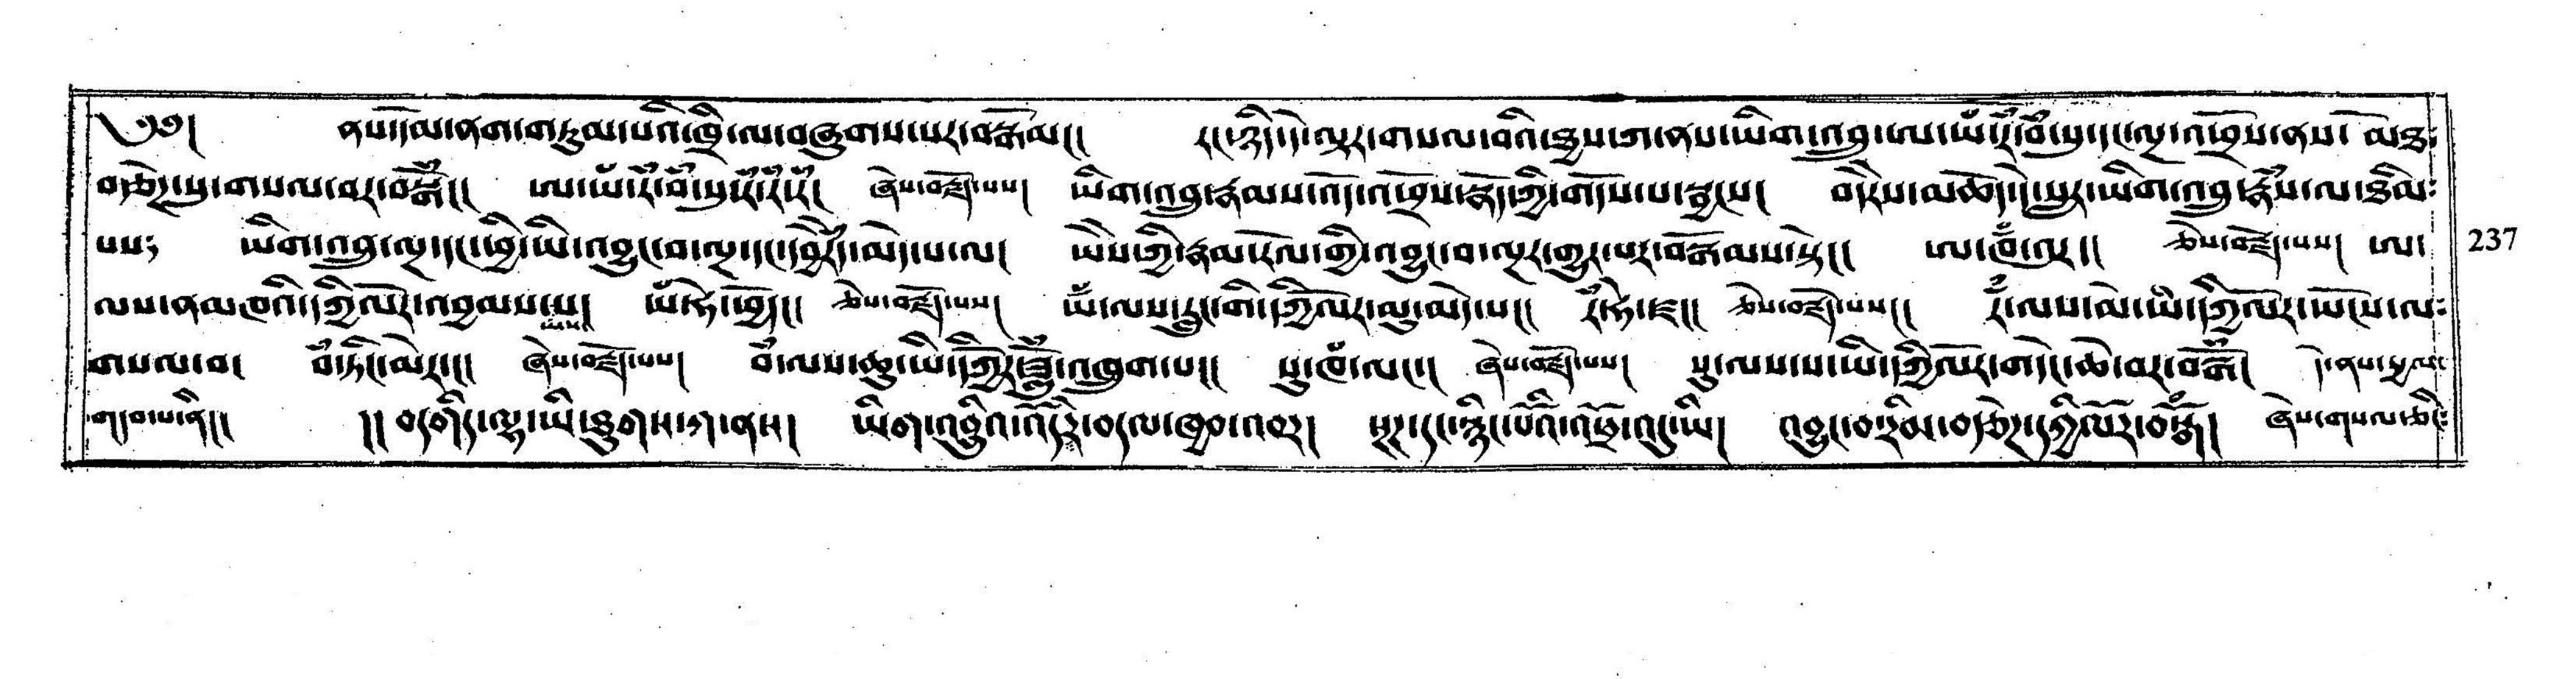ནས་དོམ་ནག་གཏུམ་པའི་ཁྲི་ལ་བཞུགས་པར་བསྒོམ།། རང་ཉིད་དེ་ལྟར་གསལ་བའི་ཐུགས་ཀ་ནས་ཡིག་འབྲུ་ཨ་ཡཾ་རཾ་བཾ་སུ་དང་ལྔ་འཕྲོས་ནས་མཐོ་
བརྩེགས་སུ་གསལ་བར་བསྒོམ།། ཨ་ཡཾ་རཾ་བཾ་སུ་རཾ་རཾ་རཾ། ཞེས་བརྗོད་པས། ཡིག་འབྲུ་རྣམས་འོད་འཕྲོས་སྣོད་ཀྱི་གདོས་པ་སྦྱངས། བདེར་གཤེགས་མཆོད་དེ་སླར་ཡིག་འབྲུ་རྣམས་ལ་ཐིམ་
པས། ཡིག་འབྲུ་ལྔ་དང་ཕྱི་ཡི་འབྱུང་བ་ལྔ་དང་དབྱེར་མེད་པ་ལ། ཡེ་ཤེས་ཀྱི་རྣམ་རོལ་གྱི་འབྱུང་བ་ལྔར་གྱུར་པར་བསྒོམས་སྟེ།། ཨ་ཁྃ་འུར།། ཅེས་བརྗོད་པས། ཨ་
ལས་ནམ་མཁའི་དཀྱིལ་འཁོར་འབྱམས་ཡས་པ། ཡཾ་ཧེ་ཕྱོད།། ཅེས་བརྗོད་པས། ཡྃ་ལས་རླུང་གི་དཀྱིལ་འཁོར་མུ་མེད་པ།། རཾ་ཧེ་ཛ།། ཅེས་བརྗོད་པས།། རྃ་ལས་མེ་ཡི་དཀྱིལ་འཁོར་ཡོངས་ལ་
གསལ་བ། བཾ་ཏིང་མེར།། ཞེས་བརྗོད་པས། བཾ་ལས་ཆུ་ཡི་དཀྱིལ་འཁོར་ཟླུམ་པོ་འཁྲུག་པ།། སུ་ཁཾ་ལང་། ཞེས་བརྗོད་པས། སུ་ལས་ས་ཡི་དཀྱིལ་འཁོར་གདེང་ཆེ་བར་བསྒོམ། དེ་ནས་ཕྱལ་
གསལ་གདབ་པ་ནི།། །།བདག་ཉིད་ལྷ་ཡི་ཐུགས་ཀ་ནས། ཡིག་འབྲུའི་འོད་ཟེར་བདལ་ཁྱབ་འབར། སྔགས་དང་སྙིང་པོའི་འཕྲོ་འདུ་ཡི། འབྱུང་བ་རིམ་བརྩེགས་དཀྱིལ་འཁོར་བསྒོམ། ཞེས་གསལ་ཅིང་